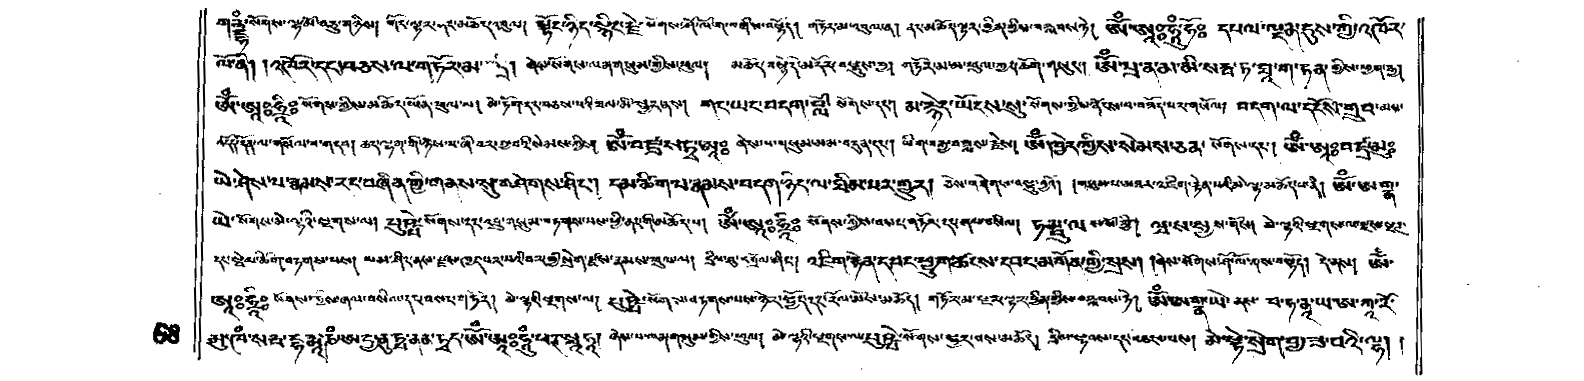གནྡྷཾ་སོགས་ལྷ་མོ་བཅུ་གཉིས། གོང་ལྟར་ནང་མཆོད་འབུལ།  སྟོང་ཉིད་སྙིང་རྗེ་སོགས་ཤོ་ལོ་ཀ་བཞིས་བསྟོད། གཏོར་མ་འབུལ་ན། ནང་མཆོད་ལྟར་བྱིན་གྱིས་བརླབས་ཏེ།  ཨོཾ་ཨཱཿ ཧཱུཾ་ཧོཿ དཔལ་ལྡན་དུས་ཀྱི་འཁོར་
ལོ་ནི། །འཁོར་དང་བཅས་ལ་གཏོར་མ་?དྲི། ཞེས་སོགས་ལན་གསུམ་གྱིས་ཕུལ། མཆོད་བསྟོད་མདོར་བསྡུས་བྱ། གཏོར་མ་མ་ཕུལ་ཀྱང་ཆོག་གསུང་།  ཨོཾ་པྲ་ན་མ་མི་སརྦ་ཏ་ཐཱ་ག་ཏན་གྱིས་ཕྱག་རྒྱ།
ཨོཾ་ཨཱཿ ཧྲཱིཿ སོགས་ཀྱིས་མཆོད་ཡོན་འཕུལ་ལ། མེ་ཏོག་དང་བཅས་པའི་ཐལ་མོ་སྦྱར་ནས།  གང་ཡང་བདག་བློ་སོགས་དང་།  མ་རྙེད་ཡོངས་སུ་སོགས་ཀྱིས་ནོངས་བ་བཟོད་པར་གསོལ།  བདག་ལ་དངོས་གྲུབ་མས་
འདོད་དོན་ལ་གསོལ་བ་གདབ། ཆད་ལྷག་གི་ཉེས་པ་ཞི་བར་བྱ་བའི་སེམས་ཀྱིས། ཨོཾ་བཛྲ་སཏྭ་ཨཱཿ ཞེས་པ་གསུམ་མམ་བདུན་དང་། ཡིག་བརྒྱ་བཟླས་རྗེས།  ཨོཾ་ཁྱེར་ཀྱིས་སེམས་ཅན་སོགས་དང་།  ཨོཾ་ཨཱཿ བཛྲ་མུཿ
ཡེ་ཤེས་པ་རྣམས་རང་བཞིན་གྱི་གནས་སུ་གཤེགས་ཤིང་། དམ་ཚིག་པ་རྣམས་བདག་ཉིད་ལ་ཐིམ་པར་གྱུར། ཅེས་གཤེགས་བསྡུ་བྱའོ། །གསུམ་པ་མཐར་འཇིག་རྟེན་པའི་མེ་ལྷ་མཆོད་པ་ནི།  ཨོཾ་ཨགན་
ཡེ་སོགས་མེ་ལྷའི་སྔགས་ལ།  པུཥྤེ་སོགས་དང་འབྲུ་གསུམ་བཏགས་པས་ཕྱི་ནང་གི་མཆོད་པ། ཨོཾ་ཨཱཿ ཧྲཱིཿ སོགས་ཀྱིས་བསང་གཏོར་དང་ཞལ་བསིལ།  ཏམྦུ་ལ་སོགས་གྱི།  ཝ་ས་སྱ་ས་གོས། མེ་ལྷའི་སྔགས་ལ་རྫས་སྔགས་
དང་སྤེལ་ཚིག་བཏགས་པས། ཡམ་ཤིང་ནས་རྫས་ཁྱད་པར་པའི་བར་དགྱེ་སྲེག་རྫས་རྣམས་ཕུལ་ལ། དྲིལ་བུ་དཀྲོལ་ཞིང་། འཇིག་རྟེན་དབང་ཕྱུག་ཚངས་དབང་མགོན་གྱི་སྲས། ། ཞེས་སོགས་ཤོ་ལོ་ཀས་བསྟོད། དེ་ནས།  ཨོཾ་
ཨཱཿ ཧྲཱིཿ སོགས་ཀྱིས་ཞལ་བསིལ་དང་བསང་གཏོར། མེ་ལྷའི་སྔགས་ལ།  པུཥྤེ་སོགས་བཏགས་པས་ཉེར་སྤྱོད་དང་རོལ་མོས་མཆོད། གཏོར་མ་སྔར་ལྟར་བྱིན་གྱིས་བརླབས་ཏེ།  ཨོཾ་ཨགན་ཡེ་ནས་བ་ཧ་ནཱ་ཡ་ཨ་ཀཱ་རོ་
མུ་ཁཾ་སརྦ་དྷརྨཱ་ཎཾ་ཨ་དྱ་ནུ་ཏྤ་ནན་ཏྭད་ཨོཾ་ཨཱཿ ཧཱུཾ་ཕཊ་སྭཱཧཱ། ཞེས་པ་ལན་གསུམ་གྱིས་ཕུལ། མེ་ལྷའི་སྔགས་ལ་པུཥྤེ་སོགས་སྦྱར་བས་མཆོད། དྲིལ་སྐབས་དང་བཅས་པས།  མེ་སྟེ་སྲེག་བྱ་ཟ་བའི་ལྷ། །